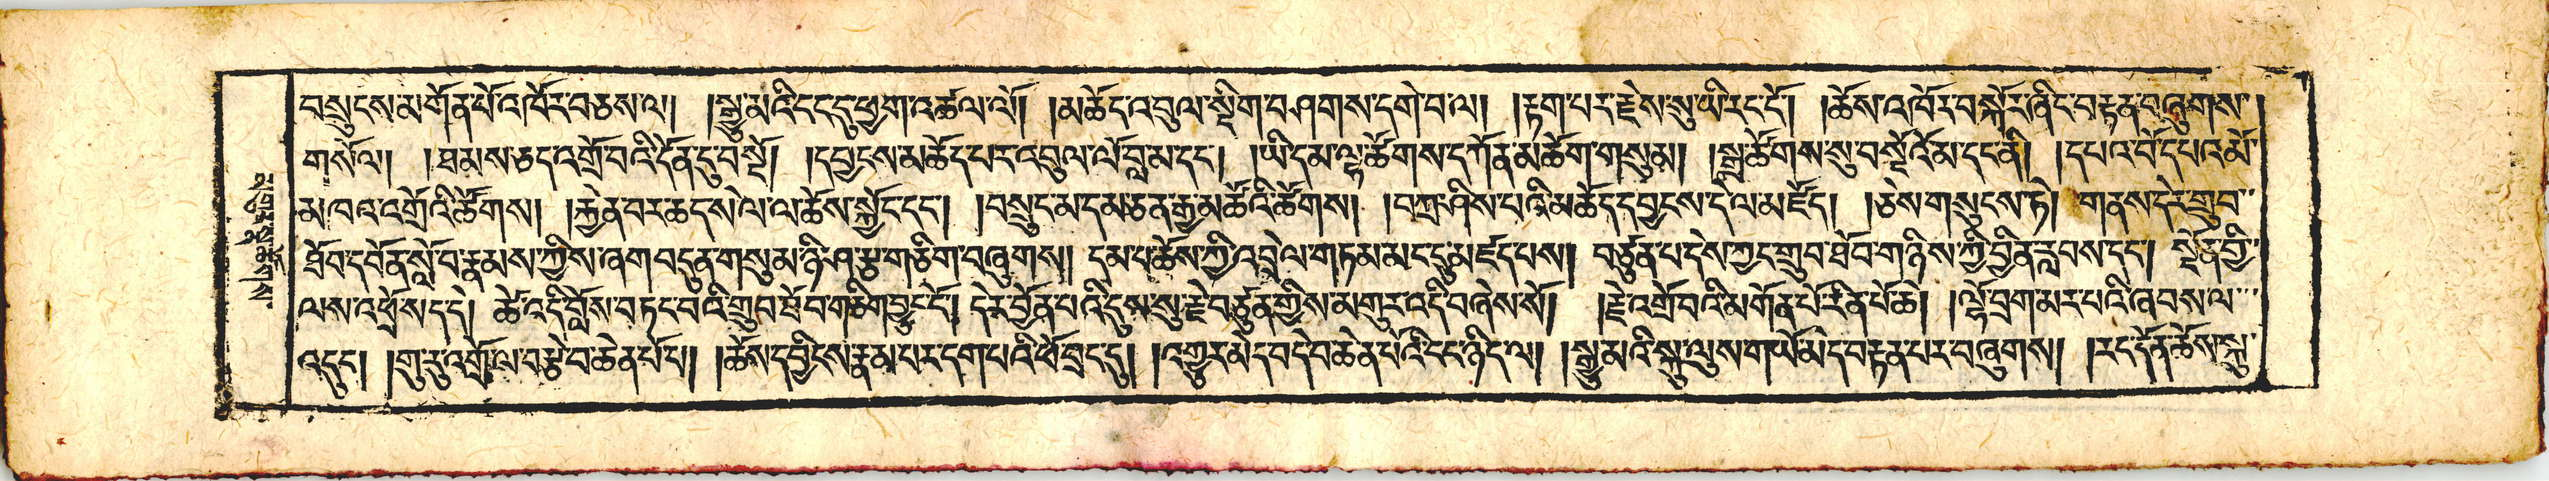བསྲུངས་མགོན་པོ་འཁོར་བཅས་ལ། །སྒྱུ་མའི་ངང་དུ་ཕྱག་འཚལ་ལོ། །མཆོད་འབུལ་སྡིག་བཤགས་དགེ་བ་ལ། །རྟག་པར་རྗེས་སུ་ཡི་རང་ངོ་། །ཆོས་འཁོར་བསྐོར་ཞིང་བརྟན་བཞུགས་
གསོལ། །ཐམས་ཅད་འགྲོ་བའི་དོན་དུ་བསྔོ། །དབྱངས་མཆོད་པར་འབུལ་ལོ་བླ་མ་དང་། །ཡི་དམ་ལྷ་ཚོགས་དཀོན་མཆོག་གསུམ། །སྒྲ་ཚོགས་སུ་བསྔོ་འོ་མ་དང་ནི། །དཔའ་བོ་དཔའ་མོ་
མཁའ་འགྲོའི་ཚོགས། །རྐྱེན་བར་ཆད་སོལ་ལ་ཆོས་སྐྱོང་དང་། །བསྲུང་མ་དམ་ཅན་རྒྱ་མཚོའི་ཚོགས། །བཀྲ་ཤིས་པའི་མཆོད་དབྱངས་དེ་ལ་མཛོད། །ཅེསགསུངས་ཏེ། གནས་དེར་གྲུབ་
ཐོབ་དཔོན་སློབ་རྣམས་ཀྱིས་ཞག་བདུན་གསུམ་ཉི་ཤ་རྩ་གཅིག་བཞུགས། དམ་ཆོས་ཀྱི་འབྲེལ་གཏམ་མང་དུ་མཛད་པས། བཙུན་པ་དེས་ཀྱང་གྲུབ་ཐོབ་གཉིས་ཀྱི་བྱིན་རླབས་དང་། སྔོན་གྱི་
ལས་འཕྲོ་སད་དེ། ཚེ་འདི་བློས་བཏང་བའི་གྲུབ་ཐོབ་གཅིག་བྱུང་ངོ་། དེར་བྱོན་པའི་དུས་སུ་རྗེ་བཙུན་གྱིས་མགུར་འདི་བཞེས་སོ། །རྗེའགྲོ་བའི་མགོན་པོ་རིན་པོ་ཆེ། །ལྷོ་བྲག་མར་པའི་ཞབས་ལ་
འདུད། །གུ་རུ་འགྲོ་ལ་བརྩེ་བ་ཆེན་པོ་བ། །ཆོས་དབྱིངས་རྣམ་པར་དག་པའི་ཕོ་བྲང་དུ། །འགྱུར་མེད་བདེ་བ་ཆེན་པོའི་ངང་ཉིད་ལ། །སྒྱུ་མའི་སྐུ་ལུས་གཡོ་མེད་བརྟན་པར་བཞུགས། །རང་དོན་ཆོས་སྐུ་